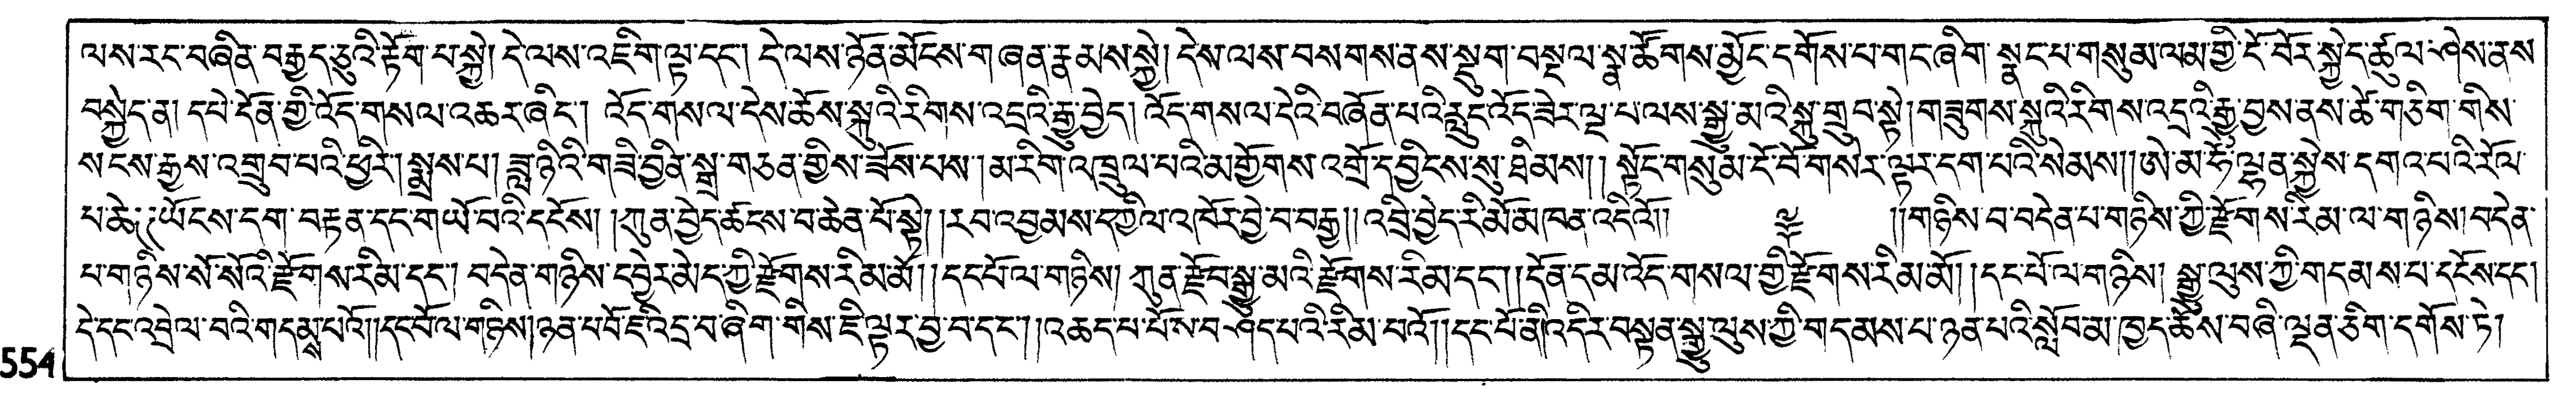ལས་རང་བཞིན་བརྒྱད་ཅུའི་རྟོག་པ་སྐྱེ། དེ་ལས་འཇིག་ལྟ་དང་། དེ་ལས་ཉོན་མོངས་གཞན་རྣམས་སྐྱེ། དེས་ལས་བསགས་ནས་སྡུག་བསྔལ་སྣ་ཚོགས་མྱོང་དགོས་པ་གང་ཞིག་སྣང་བ་གསུམ་ལམ་གྱི་ངོ་བོར་སྐྱེད་ཚུལ་ཤེས་ནས་
བསྐྱེད་ན། དཔེ་དོན་གྱི་འོད་གསལ་འཆར་ཞིང་། འོད་གསལ་དེས་ཆོས་སྐུའི་རིགས་འདྲའི་རྒྱུ་བྱེད། འོད་གསལ་དེའི་བཞོན་པའི་རླུང་འོད་ཟེར་ལྔ་པ་ལས་སྒྱུ་མའི་སྐུ་གྲུབ་སྟེ། གཟུགས་སྐུའི་རིགས་འདྲའི་རྒྱུ་བྱས་ནས་ཚེ་གཅིག་གིས་
སངས་རྒྱས་འགྲུབ་པའི་ཕྱིར། སྨྲས་པ། ཟླ་ཉིའི་གཟི་བྱིན་སྒྲ་གཅན་གྱིས་ཟོས་པས། མ་རིག་འཁྲུལ་པའི་མགྱོགས་འགྲོ་དབྱིངས་སུ་ཐིམས། །སྟོང་གསུམ་ངོ་བོ་གསེར་ལྟར་དག་པའི་སེམས། །ཨེ་མ་ཧོ་ལྷན་སྐྱེས་དགའ་པའི་རོལ་
པ་ཆེ༑ ༑ཡོངས་དག་བརྟན་དང་གཡོ་བའི་དངོས། །ཀུན་བྱེད་ཚངས་བ་ཆེན་པོ་སྟེ། །རབ་འབྱམས་དཀྱིལ་འཁོར་བྱེ་བ་བརྒྱ། །འབྲི་བྱེད་རི་མོ་མཁན་འདིའོ།། ༈ །།གཉིས་པ་བདེན་པ་གཉིས་ཀྱི་རྫོགས་རིམ་ལ་གཉིས། བདེན་
པ་གཉིས་སོ་སོའི་རྫོགས་རིམ་དང་། བདེན་གཉིས་དབྱེར་མེད་ཀྱི་རྫོགས་རིམ་མོ། །དང་པོ་ལ་གཉིས། ཀུན་རྫོབ་སྒྱུ་མའི་རྫོགས་རིམ་དང་། །དོན་དམ་འོད་གསལ་གྱི་རྫོགས་རིམ་མོ། །དང་པོ་ལ་གཉིས། སྒྱུ་ལུས་ཀྱི་གདམས་པ་དངོས་དང་།
དེ་དང་འབྲེལ་བའི་གདམས་པའོ། །དང་པོ་ལ་གཉིས། ཉན་པ་པོ་ཇི་འདྲ་བ་ཞིག་གིས་ཇི་ལྟར་བྱ་བ་དང་། །འཆད་པ་པོས་བཤད་པའི་རིམ་པའོ། །དང་པོ་ནི། འདིར་བསྟན་སྒྱུ་ལུས་ཀྱི་གདམས་པ་ཉན་པའི་སློབ་མ་ཁྱད་ཆོས་བཞི་ལྡན་ཅིག་དགོས་ཏེ།